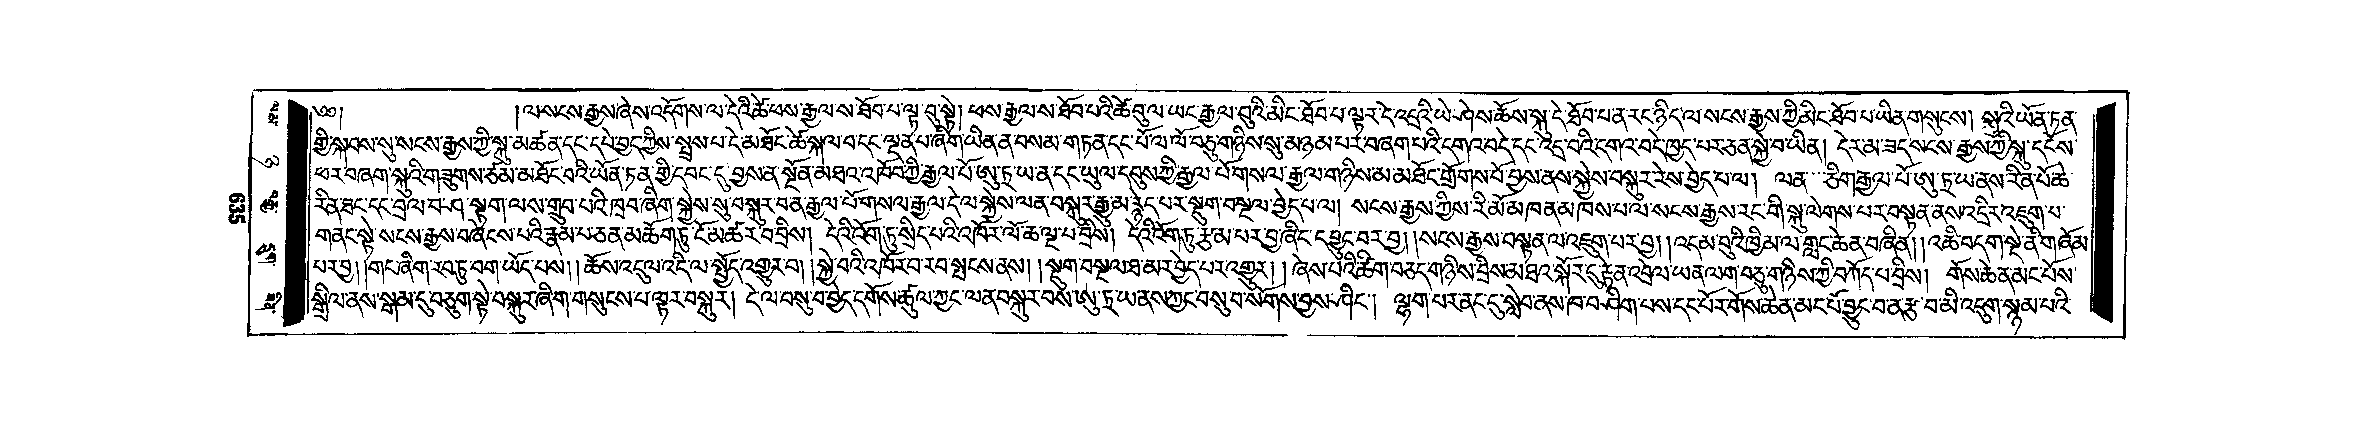༄༅། །ལ་སངས་རྒྱས་ཞེས་འདོགས་ལ་དེའི་ཚེ་ཕས་རྒྱལ་ས་ཐོབ་པ་ལྟ་བུ་སྟེ། ཕས་རྒྱལ་ས་ཐོབ་པའི་ཚེ་བུ་ལ་ཡང་རྒྱལ་བུའི་མིང་ཐོབ་པ་ལྟར་དེ་འདྲའི་ཡེ་ཤེས་ཆོས་སྐུ་དེ་ཐོབ་པ་ན་རང་ཉིད་ལ་སངས་རྒྱས་ཀྱི་མིང་ཐོབ་པ་ཡིན་གསུངས། སྐུའི་ཡོན་ཏན་
གྱི་སྐབས་སུ་སངས་རྒྱས་ཀྱི་སྐུ་མཚན་དང་དཔེ་བྱད་ཀྱིས་སྤྲས་པ་དེ་མཐོང་ཚེ་སྐལ་བ་དང་ལྡན་པ་ཞིག་ཡིན་ན་བསམ་གཏན་དང་པོ་ལ་ལོ་བཅུ་གཉིས་སུ་མཉམ་པར་བཞག་པའི་དགའ་བདེ་དང་འདྲ་བའི་དགའ་བདེ་ཁྱད་པར་ཅན་སྐྱེ་བ་ཡིན། དེར་མ་ཟད་སངས་རྒྱས་ཀྱི་སྐུ་དངོས་
ཕར་བཞག་སྐུའི་གཟུགས་ཙམ་མཐོང་བའི་ཡོན་ཏན་གྱི་དབང་དུ་བྱས་ན་སྔོན་མཐའ་འཁོབ་ཀྱི་རྒྱལ་པོ་ཨུ་ཏྲ་ཡ་ན་དང་ཡུལ་དབུས་ཀྱི་རྒྱལ་པོ་གསལ་རྒྱལ་གཉིས་མ་མཐོང་གྲོགས་པོ་བྱས་ནས་སྐྱེས་བསྐུར་རེས་བྱེད་པ་ལ། ལན་ཅིག་རྒྱལ་པོ་ཨུ་ཏྲ་ཡ་ནས་རིན་པོ་ཆེ་
རིན་ཐང་དང་བྲལ་བ་ཤ་སྟག་ལས་གྲུབ་པའི་ཁྲབ་ཞིག་སྐྱེས་སུ་བསྐུར་བ་ན་རྒྱལ་པོ་གསལ་རྒྱལ་དེ་ལ་སྐྱེས་ལན་བསྐུར་རྒྱུ་མ་རྙེད་པར་སྡུག་བསྔལ་བྱེད་པ་ལ། སངས་རྒྱས་ཀྱིས་རི་མོ་མཁན་མཁས་པ་ལ་སངས་རྒྱས་རང་གི་སྐུ་ལེགས་པར་བསྟན་ནས་འདྲིར་འཇུག་པ་
གནང་སྟེ་སངས་རྒྱས་བཞེངས་པའི་རྣམ་པ་ཅན་མཆོག་ཏུ་ངོ་མཚར་བ་བྲིས། དེའི་འོག་ཏུ་སྲིད་པའི་འཁོར་ལོ་ཆ་ལྔ་པ་བྲིས། དེའི་འོག་ཏུ་རྩམ་པར་བྱ་ཞིང་དབྱུང་བར་བྱ། །སངས་རྒྱས་བསྟན་ལ་འཇུག་པར་བྱ། །འདམ་བུའི་ཁྱིམ་ལ་གླང་ཆེན་བཞིན། །འཆི་བདག་སྡེ་ནི་གཞོམ་
པར་བྱ། །གང་ཞིག་རབ་ཏུ་བག་ཡོད་པས། །ཆོས་འདུལ་འདི་ལ་སྤྱོད་འགྱུར་བ། །སྐྱེ་བའི་འཁོར་བ་རབ་སྤངས་ནས། །སྡུག་བསྔལ་ཐ་མར་བྱེད་པར་འགྱུར། །ཞེས་པའི་ཚིག་བཅད་གཉིས་བྲིས་མཐའ་སྐོར་དུ་རྟེན་འབྲེལ་ཡན་ལག་བཅུ་གཉིས་ཀྱི་བཀོད་པ་བྲིས། གོས་ཆེན་མང་པོས་
སྒྲིལ་ནས་སྒམ་དུ་བཅུག་སྟེ་བསྐུར་ཞིག་གསུངས་པ་ལྟར་བསྐུར། དེ་ལ་བསུ་བ་བྱེད་དགོས་ཚུལ་ཀྱང་ལན་བསྐུར་བས་ཨུ་ཏྲ་ཡ་ནས་ཀྱང་བསུ་བ་སོགས་བྱས་ཤིང་། ལྷག་པར་ནང་དུ་སླེབ་ནས་ཁ་བཤིག་པས་དང་པོར་གོས་ཆེན་མང་པོ་བྱུང་བ་ན་རྩ་བ་མི་འདུག་སྙམ་པའི་